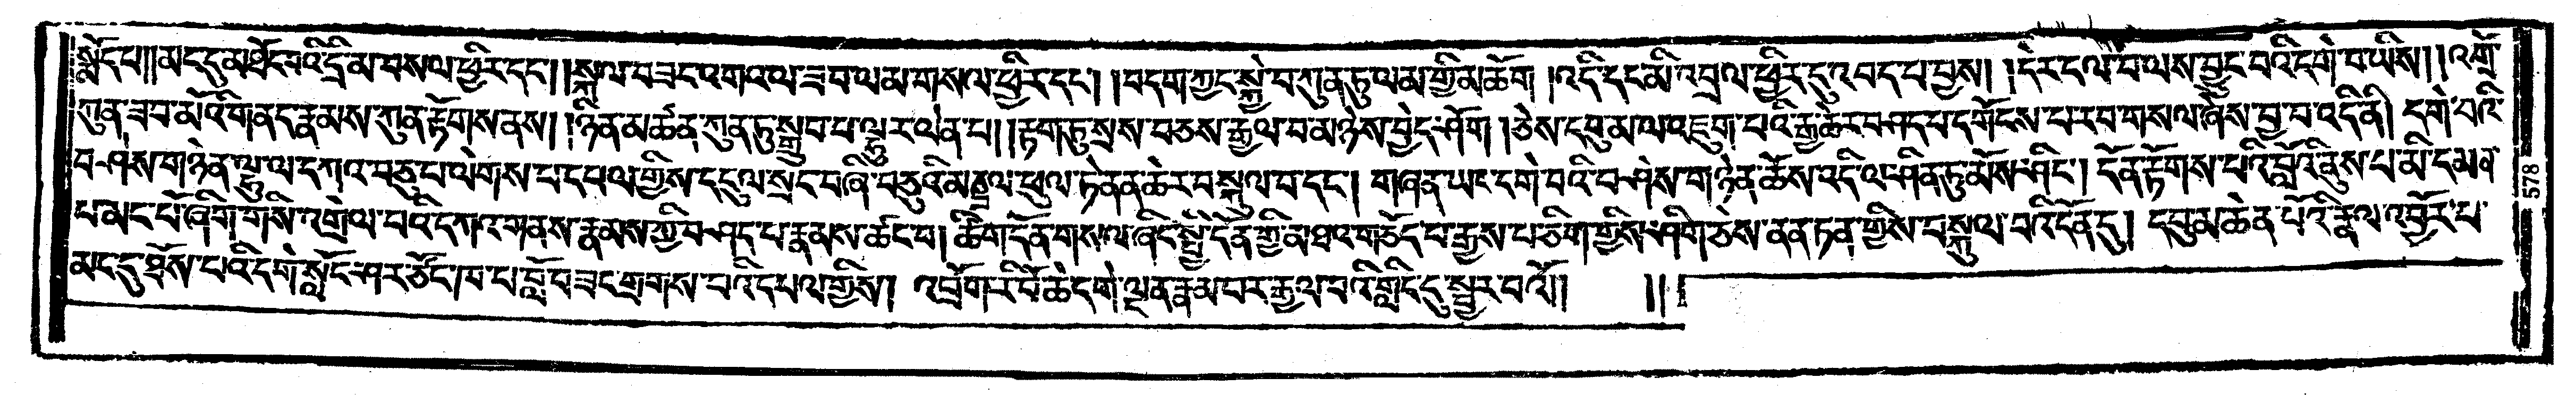སྨོད་པ། །མང་དུ་མཐོང་བའི་དྲི་མ་བསལ་ཕྱིར་དང་། །སྐལ་བཟང་འགའ་ལ་ཟབ་ལམ་གསལ་ཕྱིར་དང་། །བདག་ཀྱང་སྐྱེ་བ་ཀུན་ཏུ་ལམ་གྱི་མཆོག །འདི་དང་མི་འབྲལ་ཕྱིར་དུ་འབད་པ་བྱས། །དེར་ངལ་བ་ལས་བྱུང་བའི་དགེ་བ་ཡིས། །འགྲོ་
ཀུན་ཟབ་མོའི་གནད་རྣམས་ཀུན་རྟོགས་ནས། །ཉིན་མཚན་ཀུན་ཏུ་སྒྲུབ་པ་ལྷུར་ལེན་པ། །རྟག་ཏུ་སྲས་བཅས་རྒྱལ་བ་མཉེས་བྱེད་ཤོག །ཅེས་དབུ་མ་ལ་འཇུག་པའི་རྒྱ་ཆེར་བཤད་པ་དགོངས་པ་རབ་གསལ་ཞེས་བྱ་བ་འདི་ནི། དགེ་བའི་
བཤེས་གཉེན་ལྷུ་ལ་དཀའ་བཅུ་པ་ལེགས་པ་དཔལ་གྱིས་དངུལ་སྲང་བཞི་བཅུའི་མཎྜལ་ཕུལ་ཏེ་ནན་ཆེར་བསྐུལ་བ་དང་། གཞན་ཡང་དགེ་བའི་བཤེས་གཉེན་ཆོས་འདི་ལ་ཤིན་ཏུ་མོས་ཤིང་། དོན་རྟོགས་པའི་བློའི་ནུས་པ་མི་དམན་
པ་མང་པོ་ཞིག་གིས་འགྲེལ་པའི་དཀའ་གནས་རྣམས་ཀྱི་བཤད་པ་རྣམས་ཚང་བ། ཚིག་དོན་གསལ་ཞིང་སྤྱི་དོན་གྱི་མཐའ་གཅོད་པ་རྒྱས་པ་ཅིག་གྱིས་ཤིག་ཅེས་ནན་ཏན་གྱིས་བསྐུལ་བའི་དོན་དུ། དབུ་མ་ཆེན་པོའི་རྣལ་འབྱོར་པ་
མང་དུ་ཐོས་པའི་དགེ་སློང་ཤར་ཙོང་ཁ་པ་བློ་བཟང་གྲགས་པའི་དཔལ་གྱིས། འབྲོག་རི་བོ་ཆེ་དགེ་ལྡན་རྣམ་པར་རྒྱལ་བའི་གླིང་དུ་སྦྱར་བའོ།། །།